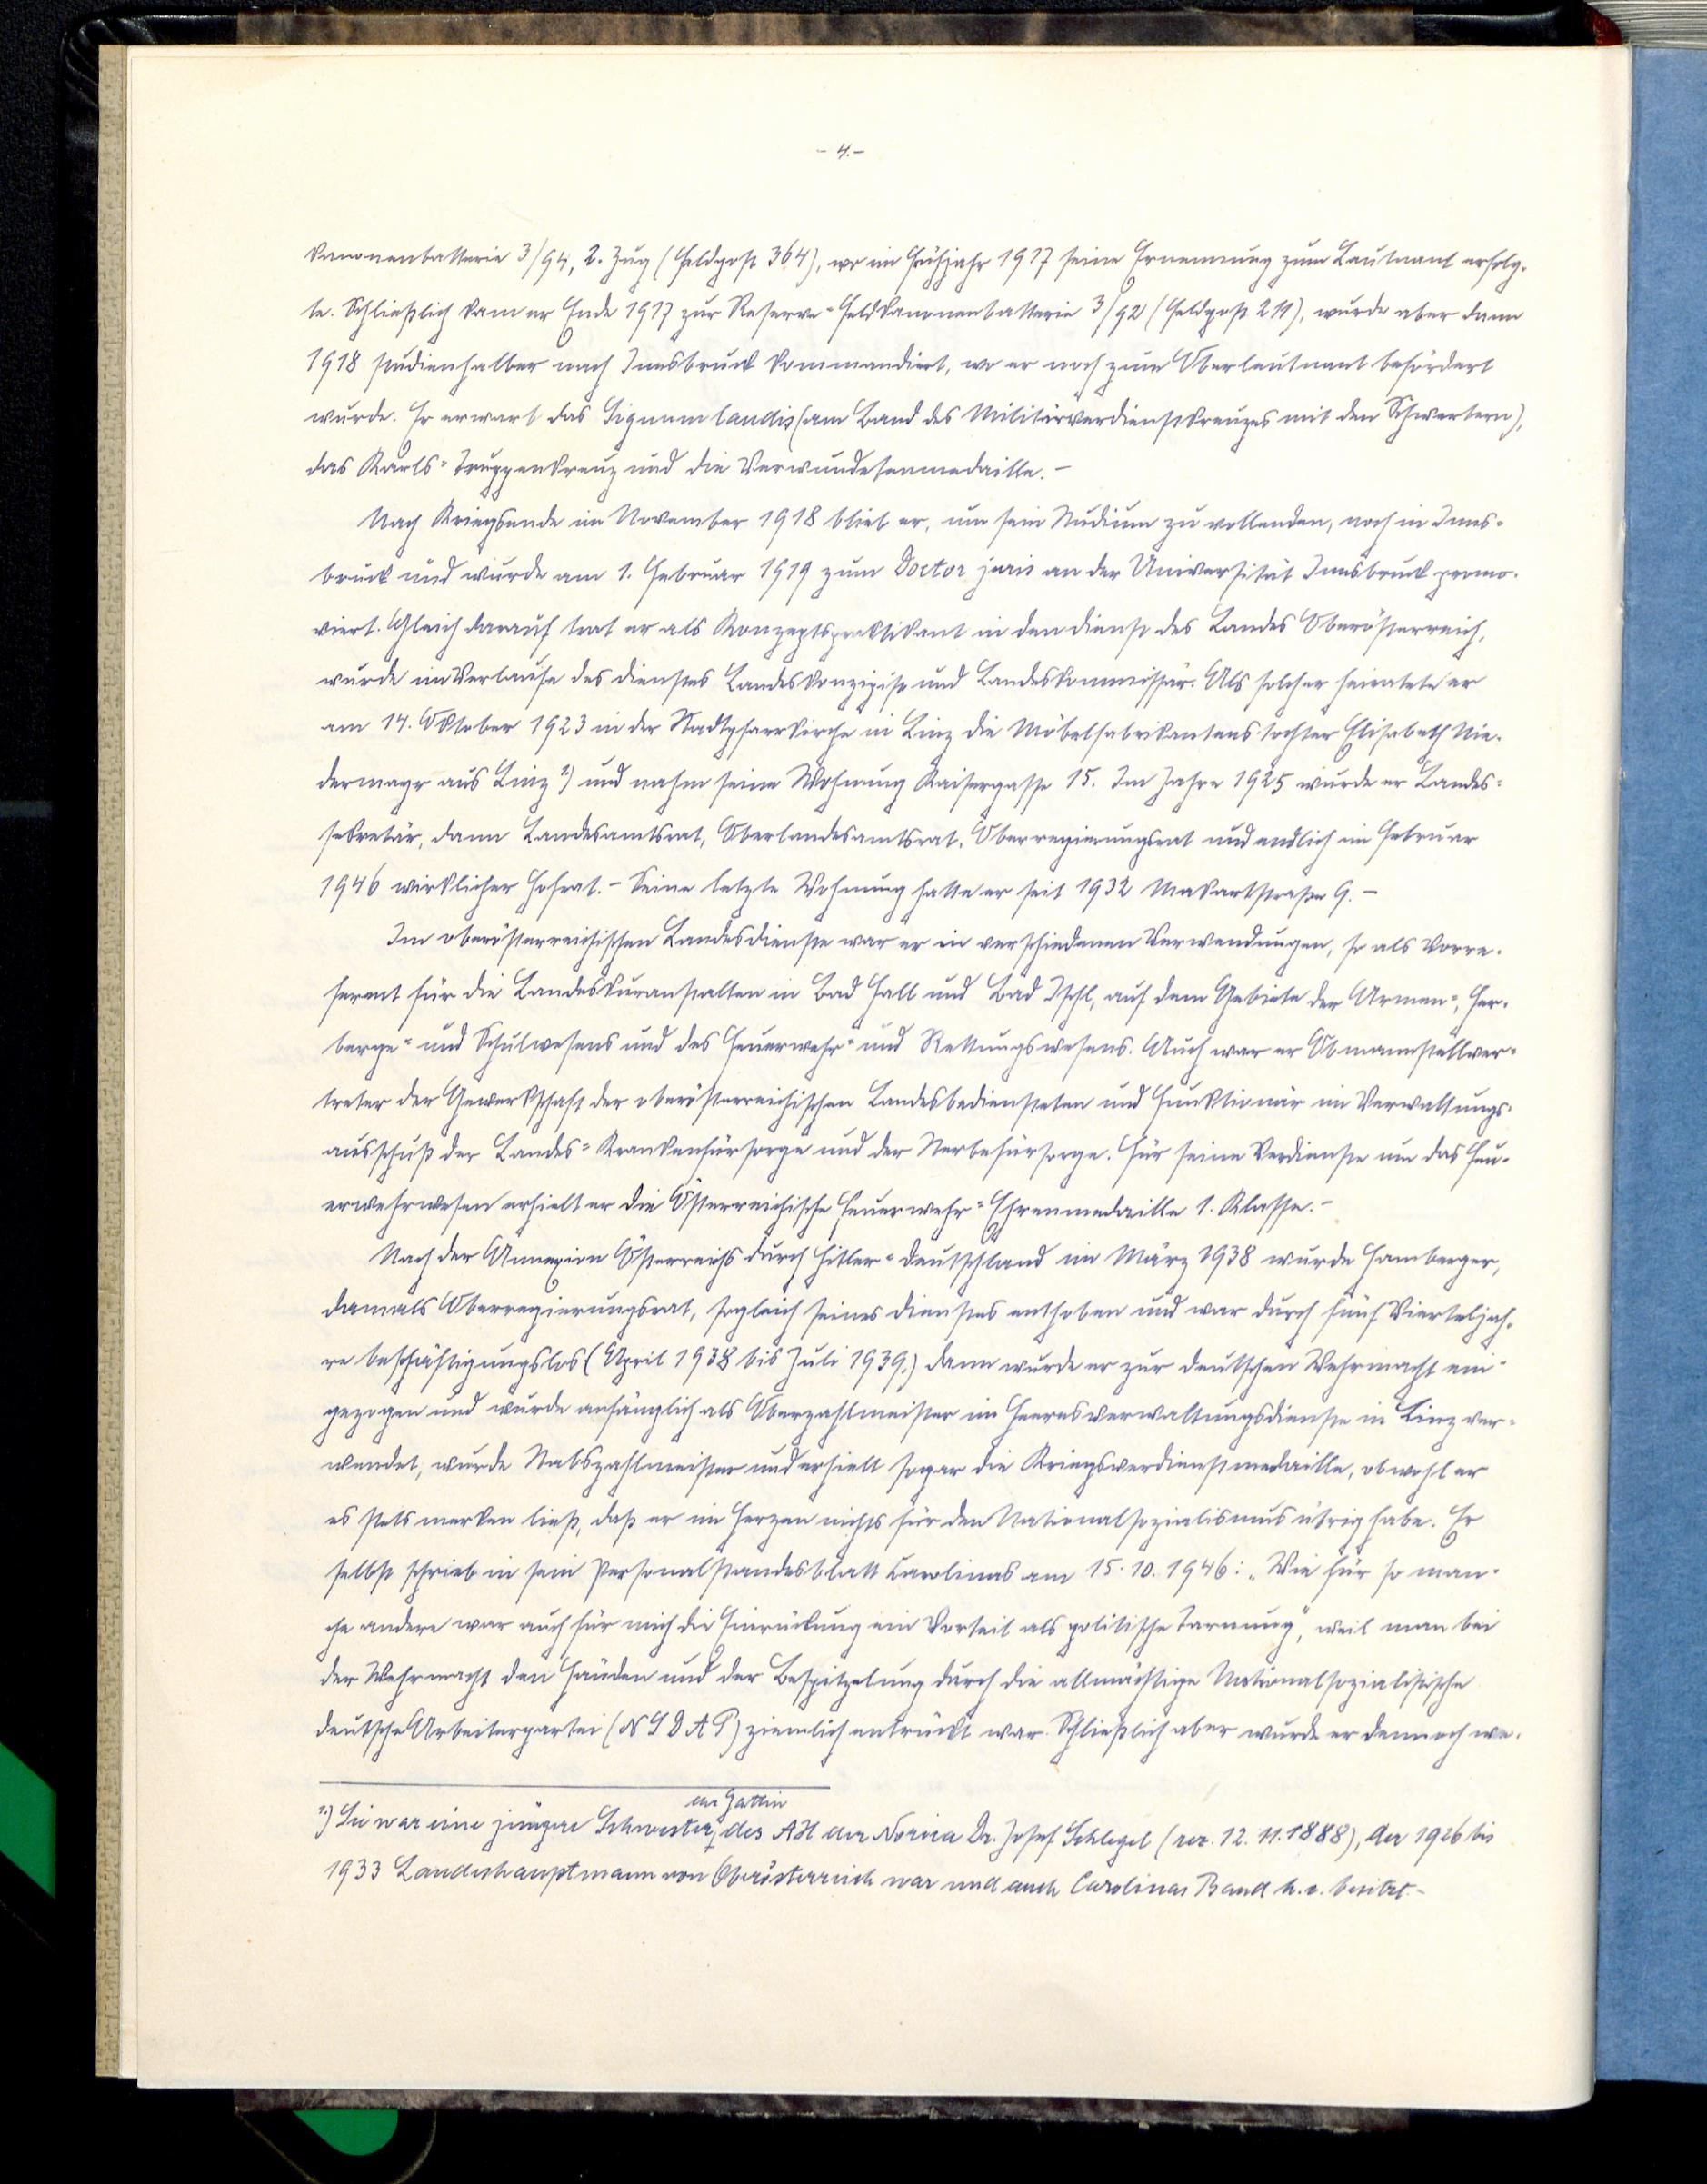4
kanonen batterie 3/94, 2. Zug (Feldpost 364), wo in Frühjahr 1917 die Ernennung zum Leutnant erfolg-
te. Schließlich kam er Ende 1917 zur Reserve – Feldkanonenbatterie 3/92 (Feldpost 211), wurde aber dann
1918 studienhalber nach Innsbruck kommandiert, wo er noch zum Oberleutnant befördert
wurde. Er erwarb das Signum laudis (am Band des Militärverdienstkreuzes mit den Schwertern),
das Karls-Truppenkreuz und die Verwundetenmedaille.
Nach Kriegsende im November 1918 blieb er, um sein Studium zu vollenden, noch in Inns-
bruck und wurde am 1. Februar 1919 zum Doctor juris an der Universität Innsbruck promo-
viert. Gleich darauf trat er als Konzeptspraktikant in den Dienst es Landes Oberösterreich,
wurde im Verlaufe des Dienstes Landeskonzipist und Landeskommissar. Als solcher heiratete er
am 14. Oktober 1923 in der Stadtpfarrkirche in Linz die Möbelfabrikantenstochter Elisabeth Nie-
mayr aus Linz 1) und seine Wohnung Kaisergasse 15. Im Jahre 1925 wurde er Landes-
sekretär, dann Landesamtsrat, Oberlandesamtsrat, Oberregierungsrat und endlich im Februar
1946 wirklicher Hofrat. - Seine letzte Wohnung hatte er seit 1932 Markartstraße 9.-
Im oberösterreichischen Landesdienste war er im verschiedenen Verwendungen, so als Vorre-
ferent für die Landeskuranstalten in Bad Hall und Bad Ischl, auf dem Gebiete der Armen -, Her-
berge und Schulwesens und des Feuerwehr- und Rettungswesens. Auch war er Obmannstellver-
treter der Gewerkschaft der oberösterreichischen Landesbediensteten und Funktionär im Verwaltungs-
ausschuß der Landes - Krankenfürsorge und der Sterbefürsorge. Für seine Verdienste um das Feu-
erwehrwesen erhielt er in die österreichische Feuerwehr - Ehrenmedaille 1. Klasse.
Nach der Annexion Österreichs durch Hitler - Deutschland im März 1938 wurde Hamberger,
damals Oberregierungsrat, sogleich seines Dienstes enthoben und waren durch fünf Vierteljah-
re beschäftigungslos (April 1938 bis Juli 1939) dann wurde er zur deutschen Wehrmacht ein-
gezogen und wurde anfänglich alles Oberzahlmeister im Heeresverwaltungsdienste in Linz ver-
wendet, wurde dann Stabszahlmeister und erhielt sogar die Kriegsverdienstmedaille, obwohl er
es stets merken ließ, daß er im Herzen nichts für den Nationalsozialismus übrig habe. Er
selbst schrieb in sein Personalstandesblatt Carolinas am 15. 10. 1946: „ Wie für so man-
che andre war auch für mich die Einrückung ein Vorteil als politische Tarnung", weil man bei
der Wehrmacht den Gauden und der Bespitzelung durch die allmächtige Nationalsozialistische
deutsche Arbeiterpartei (NSDAP) ziemlich entrückt war. Schließlich aber wurde er dennoch er-
1) Sie war eine jüngere Schwester der Gattin des AH der Norica Dr. Joseph Schlegel (rez. 12. 11. 1888), der 1926 bis
1933 Landeshauptmann von Oberösterreich war und auch Carolinas Band h.c. besitzt.